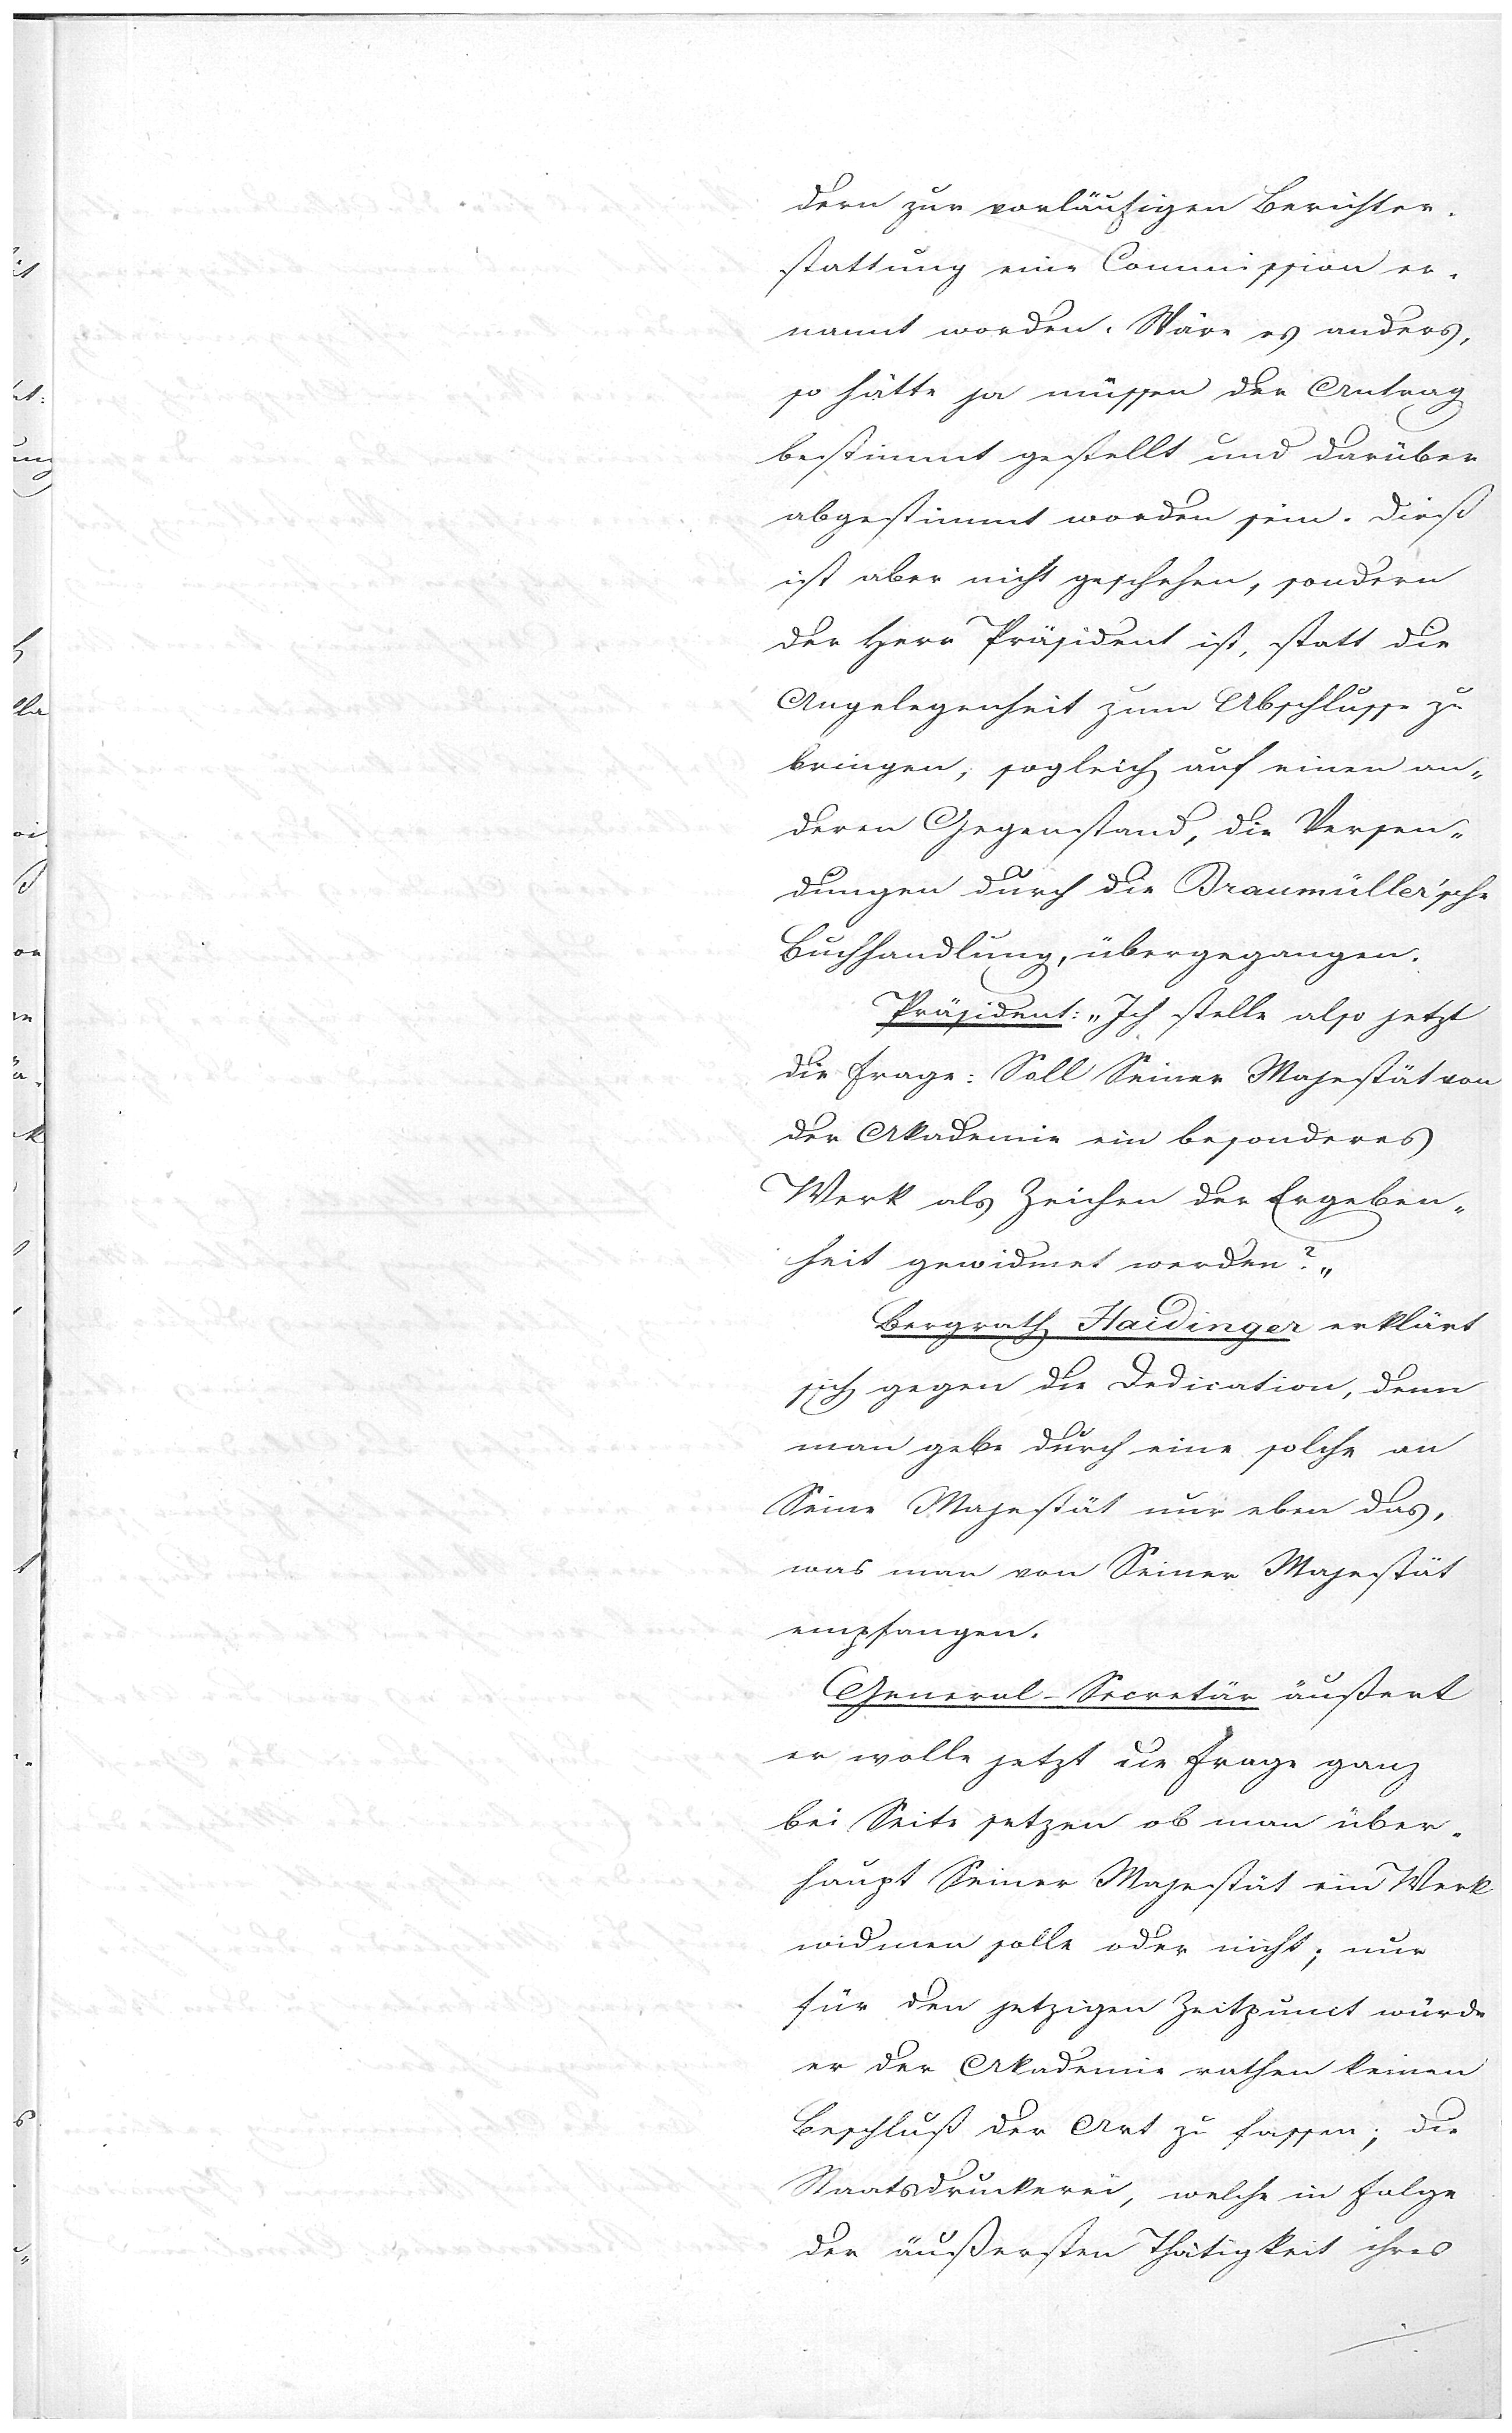dern zur vorläufigen Berichter-
stattung eine Commission er-
nannt worden. Wäre es anders,
so hätte ja müssen der Antrag
bestimmt gestellt und darüber
abgestimmt worden sein. Dieß
ist aber nicht geschehen, sondern
der Herr Präsident ist, statt die
Angelegenheit zum Abschlusse zu
bringen, sogleich auf einen an-
deren Gegenstand, die Versen-
dungen durch die Braumüller'sche
Buchhandlung, übergegangen.
Präsident: "Ich stelle also jetzt
die Frage: Soll Seiner Majestät von
der Akademie ein besonderes
Werk als Zeichen der Ergeben-
heit gewidmet werden?"
Bergrath Haidinger erklärt
sich gegen die Dedication, denn
man gebe durch eine solche an
Seine Majestät nur eben das,
was man von Seiner Majestät
empfangen.
General-Secretär äußert
er wolle jetzt die Frage ganz
bei Seite setzen ob man über-
haupt Seiner Majestät ein Werk
widmen solle oder nicht; nur
für den jetzigen Zeitpunct würde
er der Akademie rathen keinen
Beschluß der Art zu lassen; die
Staatsdruckerei, welche in Folge
der äußersten Thätigkeit ihres